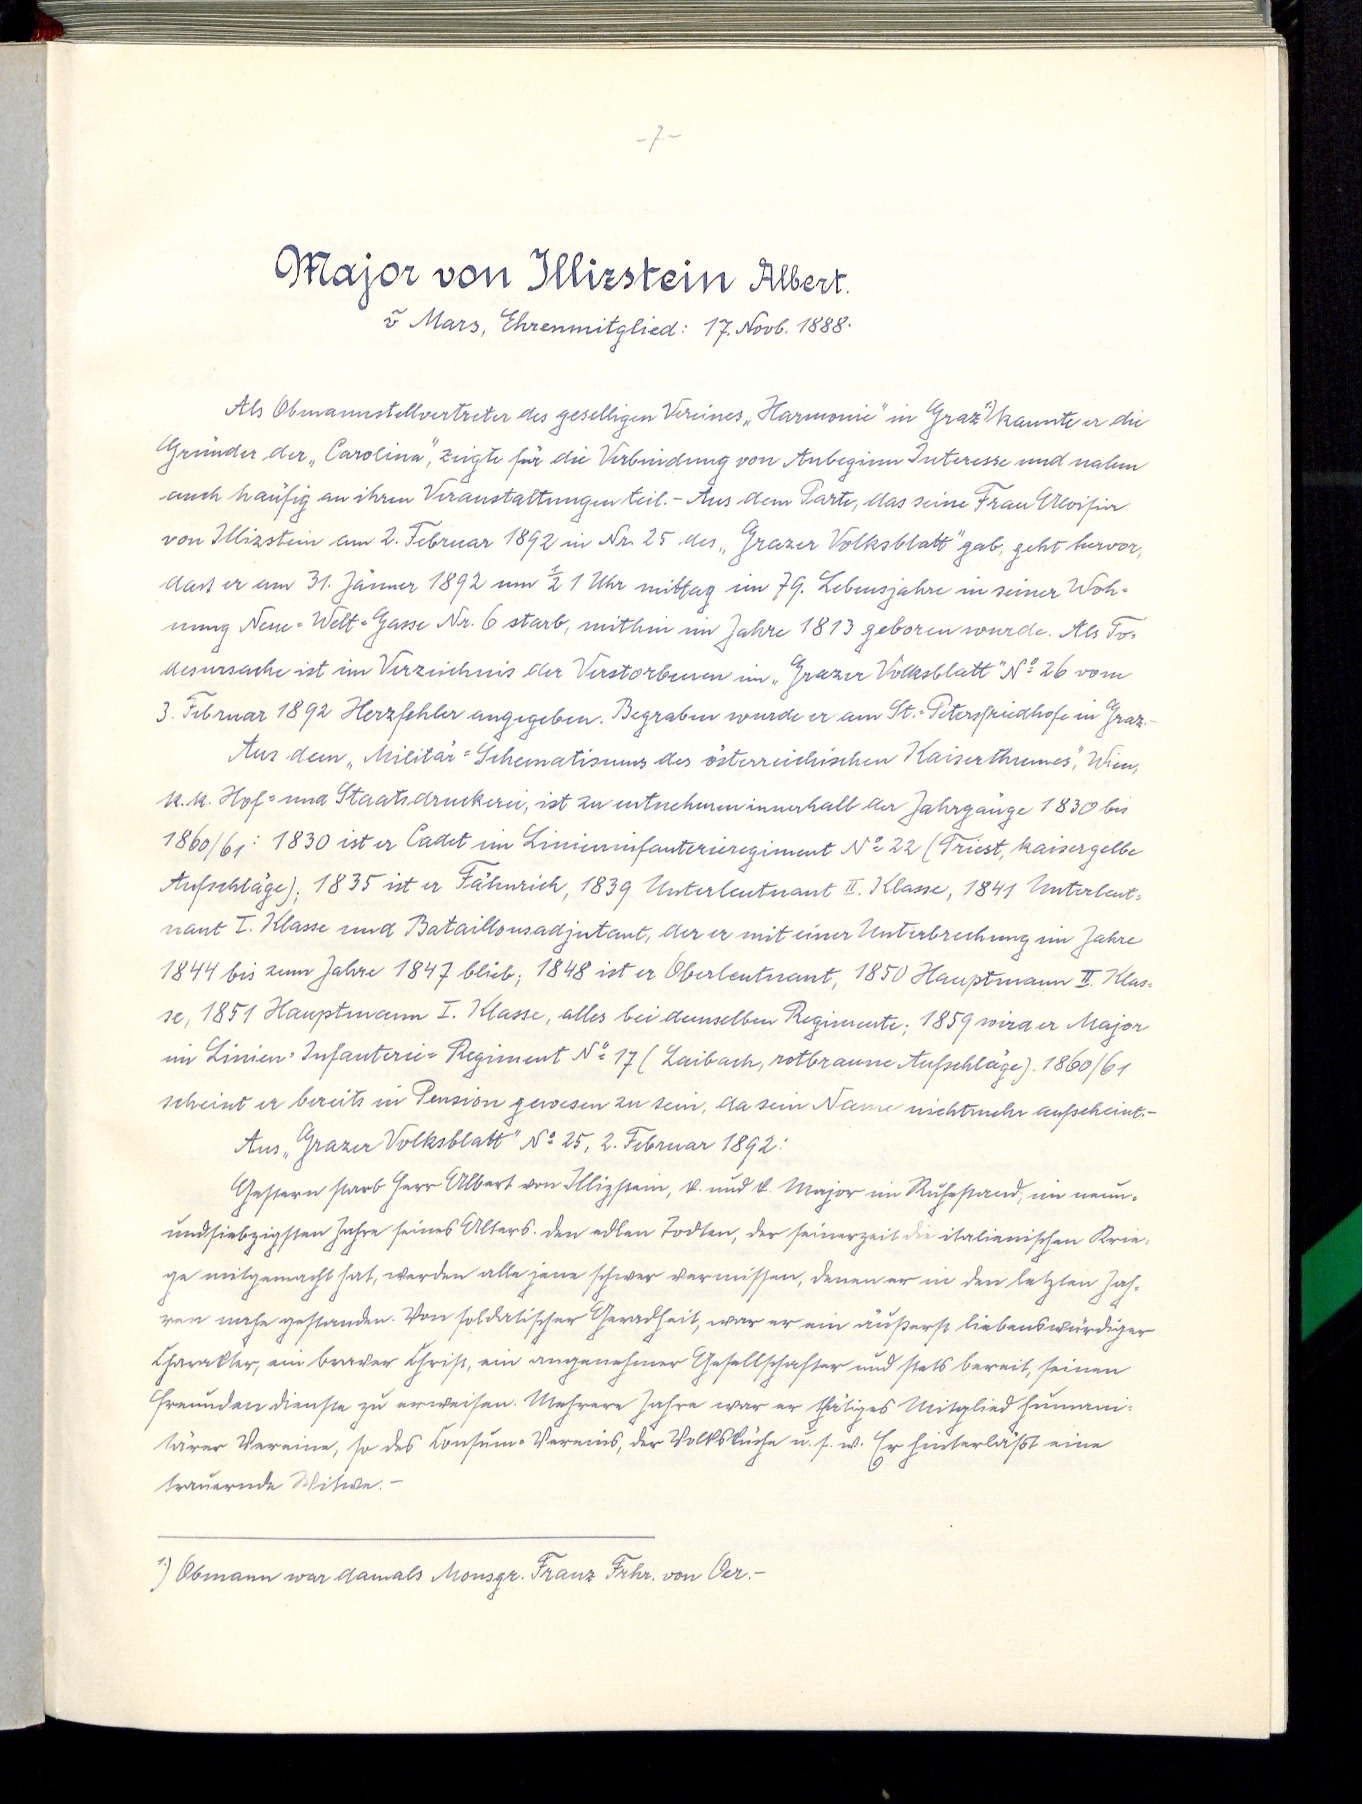-7.-
Major von Illizstein Albert.
v/o Mars, Ehrenmitglied: 17. Novb. 1888.
Als Obmannstellvertreter des geselligen Vereins "Harmonie" in Graz1.) kannte er die
Gründer der "Carolina", zeigte für die Verbindung von Anbeginn Interesse und nahm
auch häufig an ihren Veranstaltungen teil. - Aus dem Parte, das seine Frau Aloisia
von Illizstein am 2. Februar 1892 in Nr. 25 des "Grazer Volksblatt" gab, geht hervor,
dass er am 31. Jänner 1892 um 1/2 Uhr mittag im 79. Lebensjahr in seiner Woh-
nung Neue-Welt-Gasse Nr. 6 starb, mithin im Jahre 1813 geboren wurde. Als To-
desursache ist im Verzeichnis der Verstorbenen im "Grazer Volksblatt" Nr. 26 vom
3. Februar 1892 Herzfehler angegeben. Begraben wurde er am St.-Petersfriedhofe in Graz.
Aus dem "Militär"-Schematismus des österreichischen Kaiserthums, Wien,
k. k. Hof- und Staatsdruckerei, ist zu entnehmen innerhalb der Jahrgänge 1830 bis
1860/61: 1830 ist er Cadet im Linieninfanterieregiment Nr. 22 (Triest, kaisergelbe
Aufschläge). 1835 ist er Fähnrich, 1839 Unterleutnant II. Klasse, 1841 Unterleut-
nant I. Klasse und Bataillonsadjutant, der er mit einer Unterbrechung im Jahre
1844 bis zum Jahre 1847 blieb; 1848 ist er Oberleutnant, 1850 Hauptmann II. Klas-
se, 1851 Hauptmann I. Klasse, alles bei demselben Regimente; 1859 wird er Major
im Linien-Infanterie-Regiment Nr. 17 (Laibach, rotbraune Aufschläg). 1860/61
scheint er bereits in Pension gewesen zu sein, da sein Name nicht mehr aufscheint. -
Aus "Grazer Volksblatt" Nr. 25, 2. Februar 1892:
Gestern starb Herr Albert von Illizstein, k. und k. Major im Ruhestand, im neun-
undsiebzigsten Jahre seines Alters. Den edlen Todten, der seinerzeit die italienischen Krie-
ge mitgemacht hat, werden alle jene schwer vermissen, denen er in den letzten Jah-
ren nahe gestanden. Von soldatischer Geradheit, war er ein äußerst liebenswürdiger
Charakter, ein braver Christ, ein angenehmer Gesellschafter und stets bereit, seinen
Freunden Dienste zu erweisen. Mehrere Jahre war er thätiges Mitglied humani-
tärer Vereine, so des Consum-Vereins, der Volksbühne u. f. w. Er hinterlässt eine
traurernde Witwe. -
1.) Obmann war damals Monsgr. Franz Frhr. von Oer. -